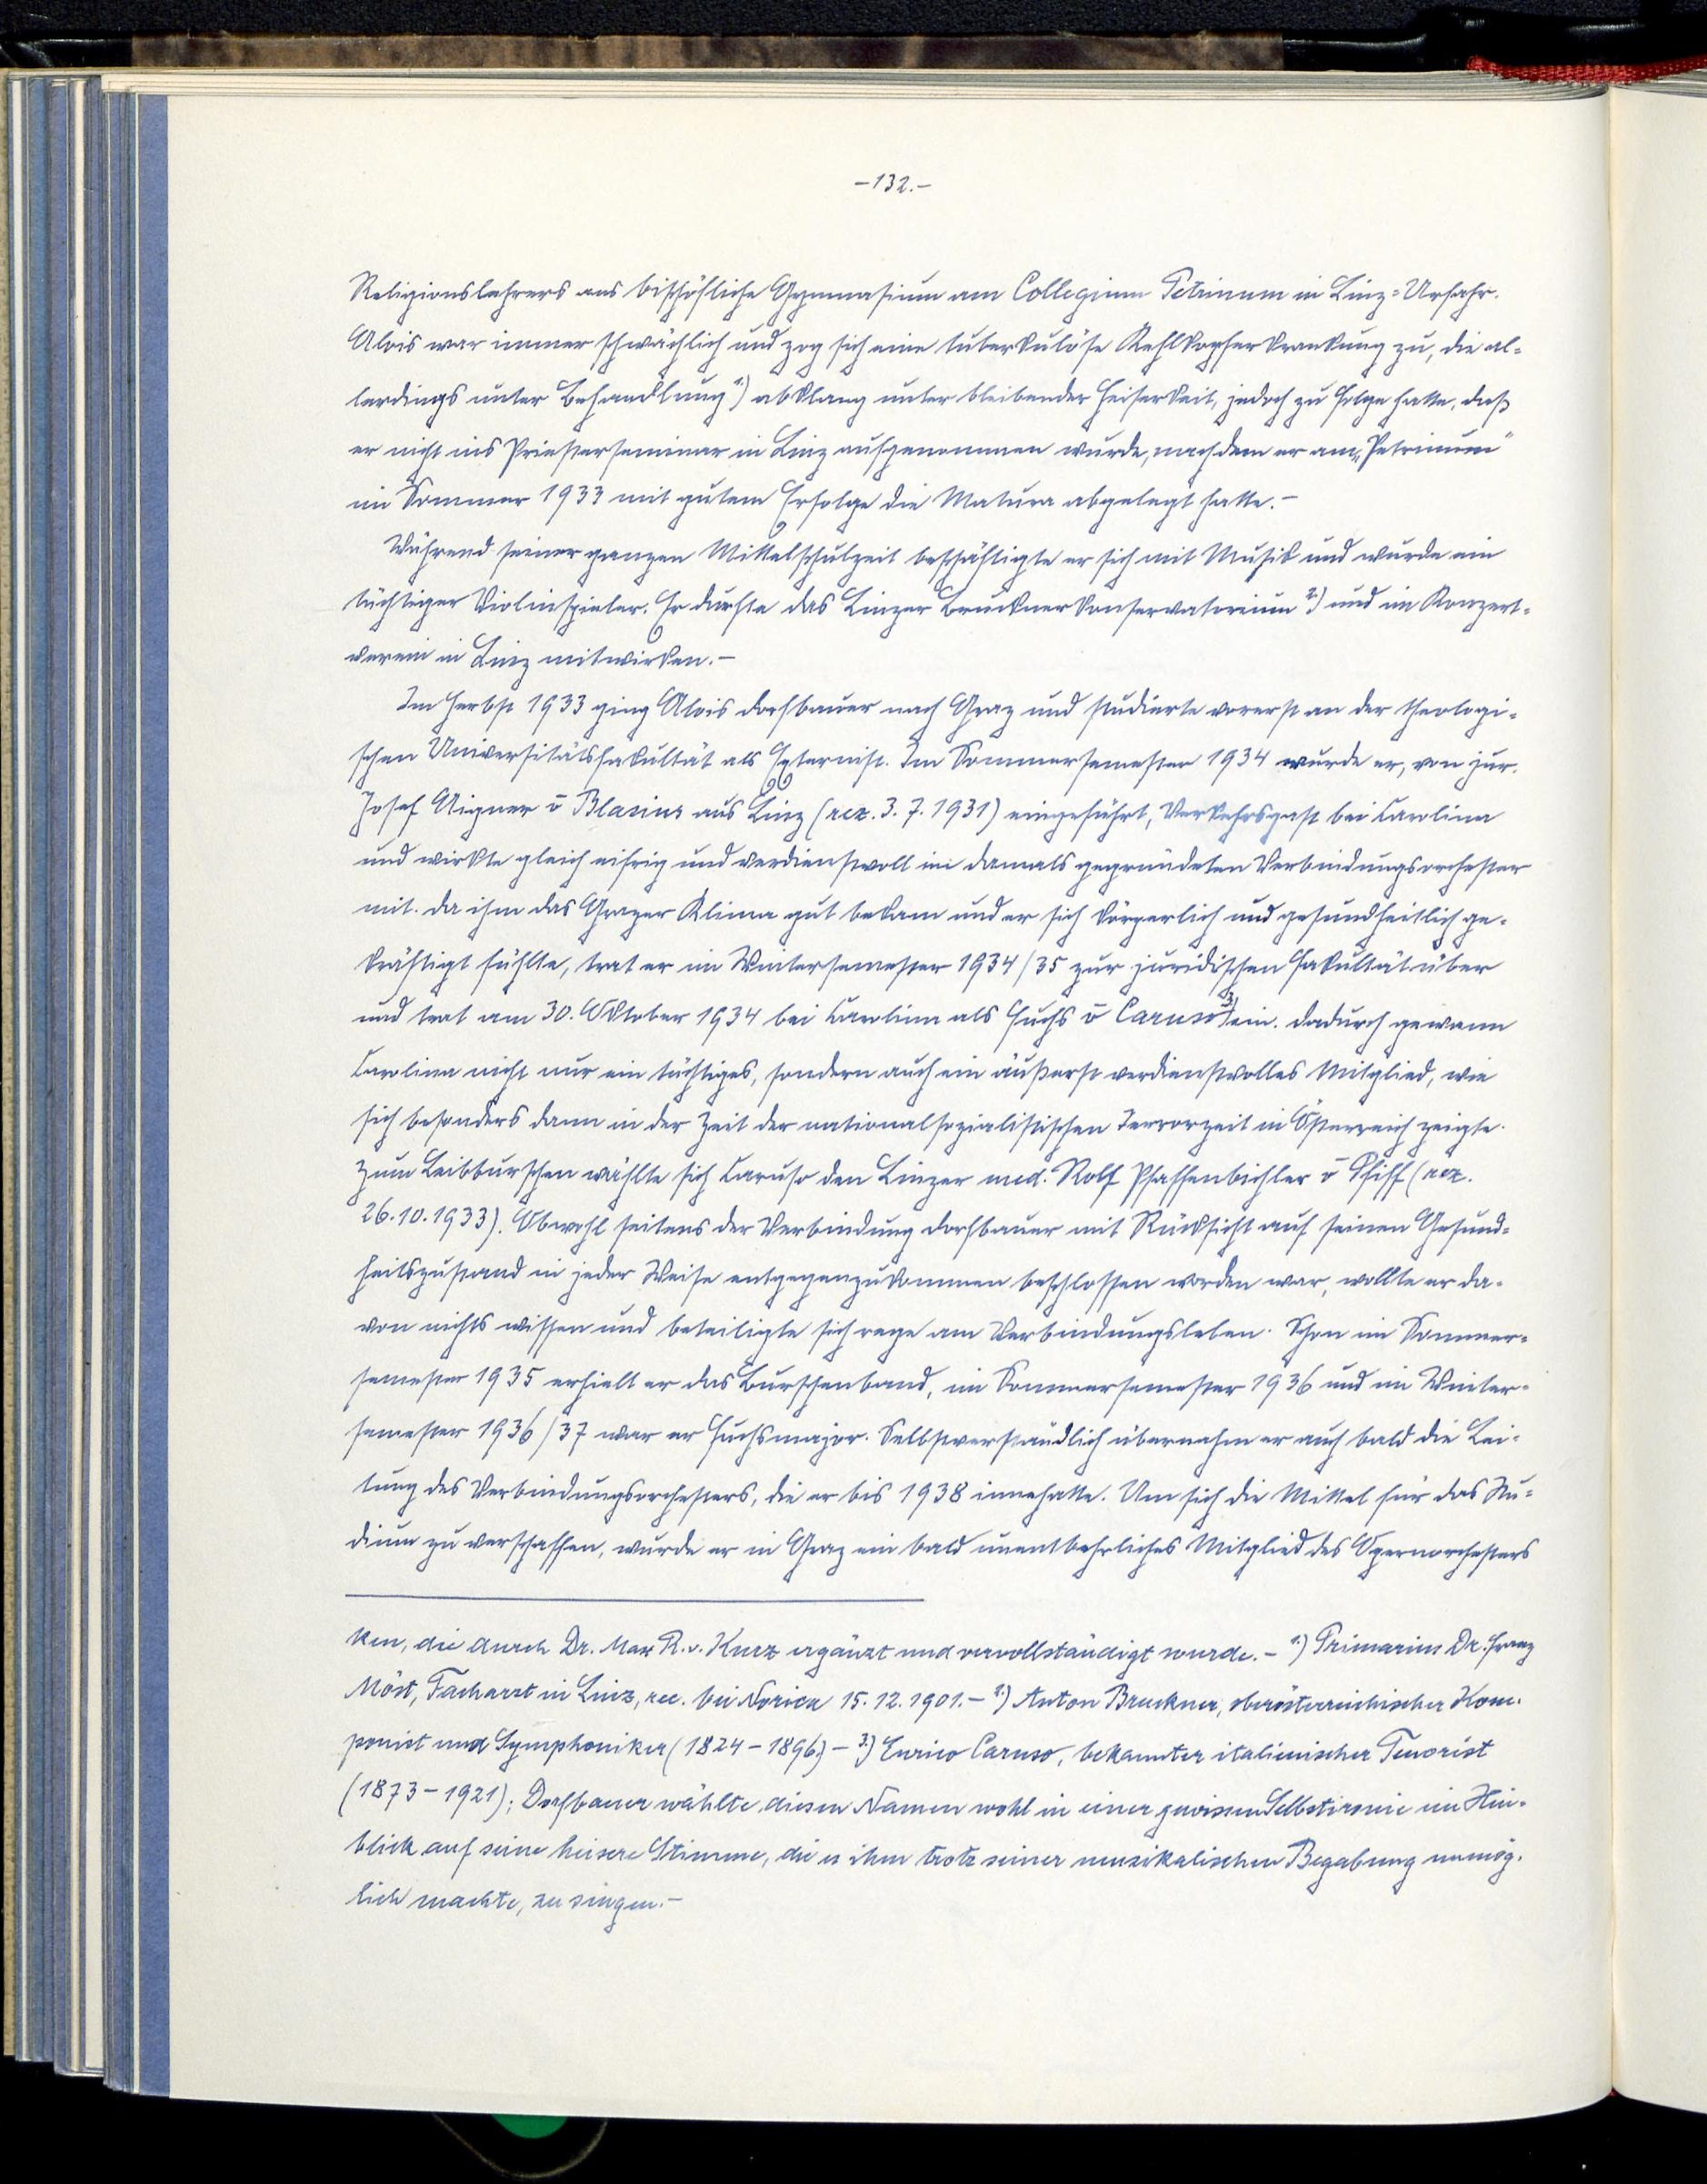132
Religionslehrers ans bischöfliche Gymnasium am Collegium Petrinum in Linz- Urfahr.
Alois war immer schwächlich und zog sich eine tuberkulöse Kehlkopferkrankung zu, die al-
lerdings unter Behandlung 1) abklang, unter bleibender Heiterkeit, jedoch zu Folge hatte, daß
er nicht ins Priesterseminar in Linz aufgenommen wurde, nachdem er am Petrinum
im Sommer 1933 mit gutem Erfolge die Matura abgelegt hatte.
Während seiner ganzen Mittelschulzeit beschäftigt eer sich mit Musik und wurde ein
tüchtiger Violinspieler. Er durfte Das Linzer Brucknerkonservatorium 2) und im Konzert-
verein in Lienz mitwirken.-
Im Herbst 1933 ging Alois Dorfbauer nach Graz und studierte vorerst an der theolgi-
schen Universitätsfakultät als Externist. Im Sommersemester 1934 wurde er, von jur.
Josef Aigner v/o Blasius aus Linz (rez. 3. 7. 1931) eingeführt, Verkehrsgast bei Carolina
und wirkte gleich eifrig und verdienstvoll im damals gegründeten Verbindungsorchester
mit. Da ihm das Grazer Klima gut bekam und er sich körperlich und gesundheitlich ge-
kräftigt fühlte, trat er im Wintersemester 1934/ 35 zur juridischen Fakultät über
und trat am 30. Oktober 1934 bei Carolina als Fuchs v/o Caruso ein. Dadurch gewann
Carolina nicht nur ein tüchtiges, sondern auch ein äußerst verdienstvolles Mitglied, wie
sich besonders dann in der Zeit der nationalsozialistischen Terrorzeit in Österreich zeigte.
Zum Leibburschen wählte sich Caruso den Linzer med. Rolf Pfaffenbichler v/o Pfiff (rez.
26. 10. 1933). Obwohl seitens der Verbindung Dorfbauer mit Rücksicht auf seinen Gesund-
heitszustand in jeder Weise entgegenzukommen beschlossen worden war, wollte er da-
von nichts wissen und beteiligte sich rege am Verbindungsleben. Schon im Sommer-
Semester 1935 erhielt er das Burschenband, im Sommersemester 1936 und im Winter-
Semester 1936 /37 war er Fuchsmajor. Selbstverständlich übernahm er auch bald die Leit-
ung des Verbindungsorchesters, die er bis 1938 innehatte. Um sich die Mittel für das Stu-
dium zu verschaffen, wurde er in Graz ein bald unentbehrliches Mitglied des Opernorchesters
ken, die durch Dr. Max R. v. Kurz ergänzt und vevrollständigt wurde. 1) Primarius Dr Franz
Köst, Facharzt in Linz, rez. bei Norica 15. 12. 1901.- 3) Anton Brukner, oberösterreichischer Kom-
ponist und Symphoniker (1824-1896)- 3) Enrico Caruso, bekannter italienischen Tenor
(1873-1921), Dorfbauer wählte diesen Namen wohl in einer gewissen Selbstironie im Hin-
blick auf seine heisere Stimmen, die es ihm trotz seiner musikalischen Begabung unmög-
ich machte, zu singen.